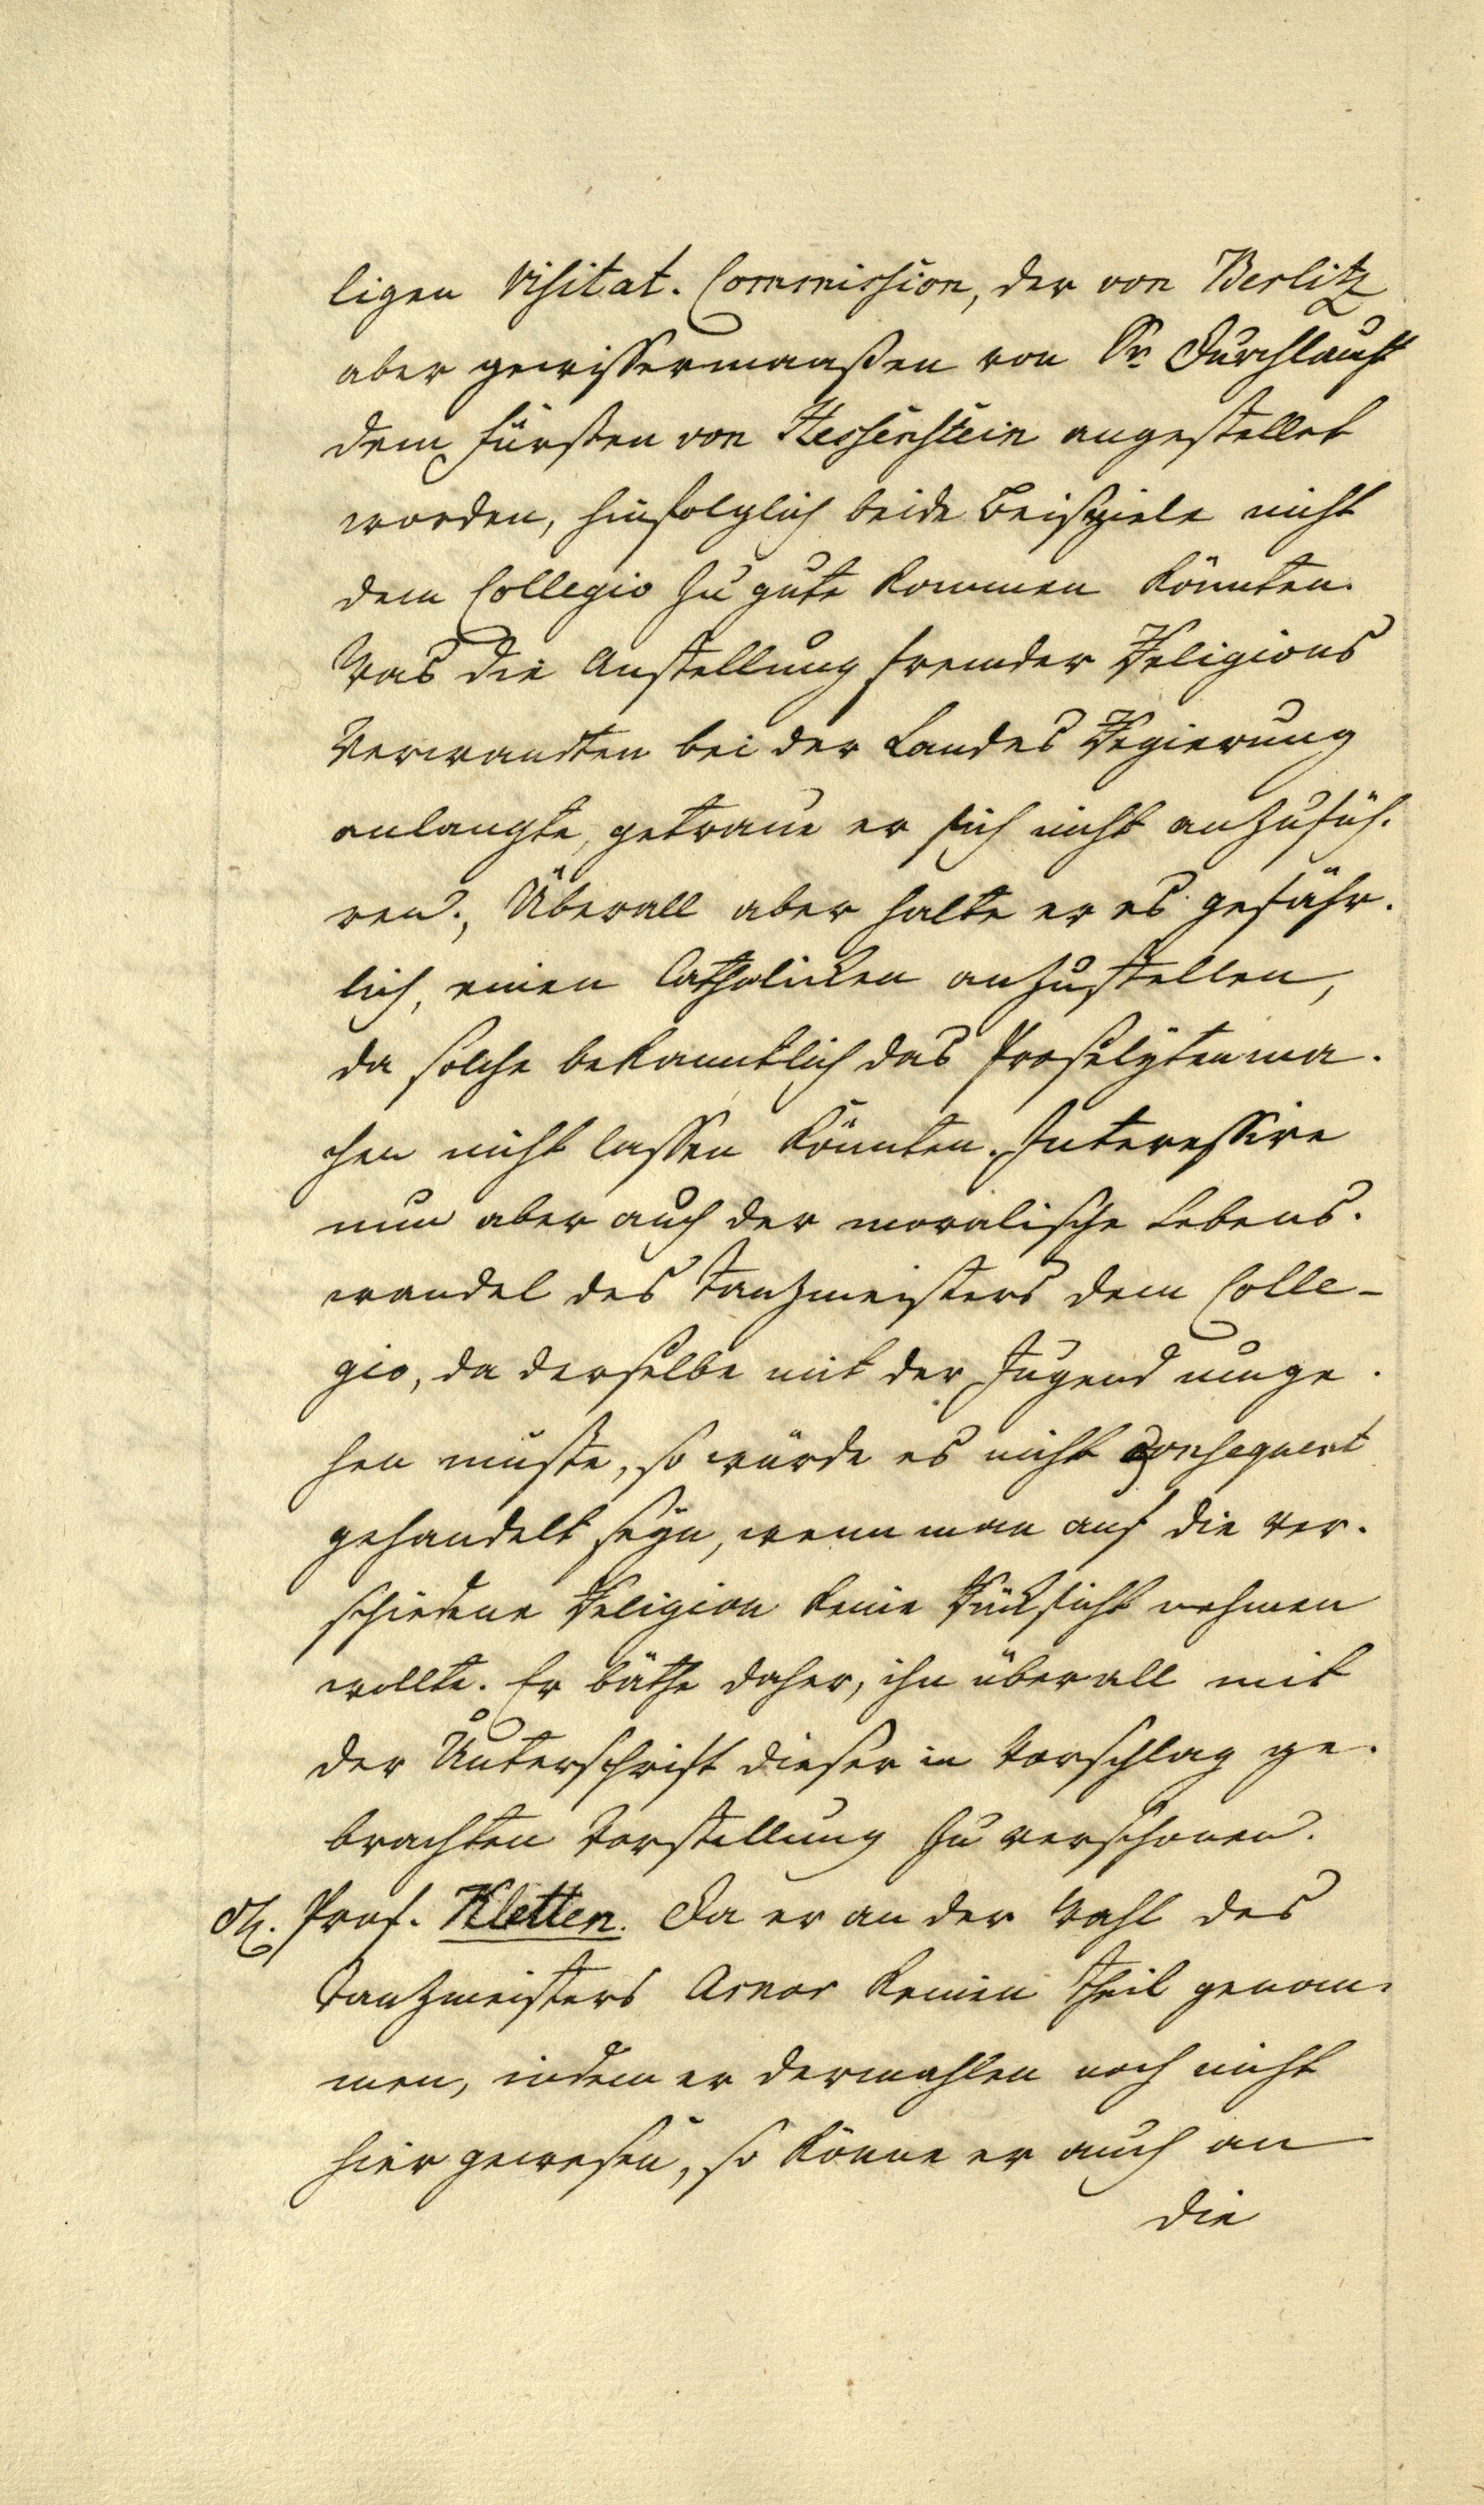ligen Visitat. Commission, der von Berlitz
aber gewissermmaßen von Sr Durchlaucht
dem Fürsten von Hessensein angestellet
worden, hinfolglich beide Beispiele nicht
dem Collegio zu gute kommen könnten.
Was die Anstellung fremder Religions
Verwandten bei der Landes Regierung
anlangte, getraue er sich nicht anzufüh¬
ren; Überall aber halte er es gefähr¬
lich, einen Catholicken anzustellen,
da solche bekanntlich das Proselytenma¬
chen nicht lassen könnten. Interessire
nun aber auch der moralische Lebens¬
wandel des Tanzmeisters dem Colle¬
gio, da derselbe mit der Jugend umge¬
hen müßte, so würde es nicht consequent
gehandelt seÿn, wenn man auf die ver-
schiedene Religion keine Rücksicht nehmen
wollte. Er bäthe daher, ihn überall mit
der Unterschrift dieser in Vorschlag ge¬
brachten Vorstellung zu verschonen.
dh. Prof. Kletten. Da er an der Wahl des
Tanzmeisters Amor keinen Theil genom¬
men, indem er dermahlen noch nicht
hier gewesen, so könne er auch an
die